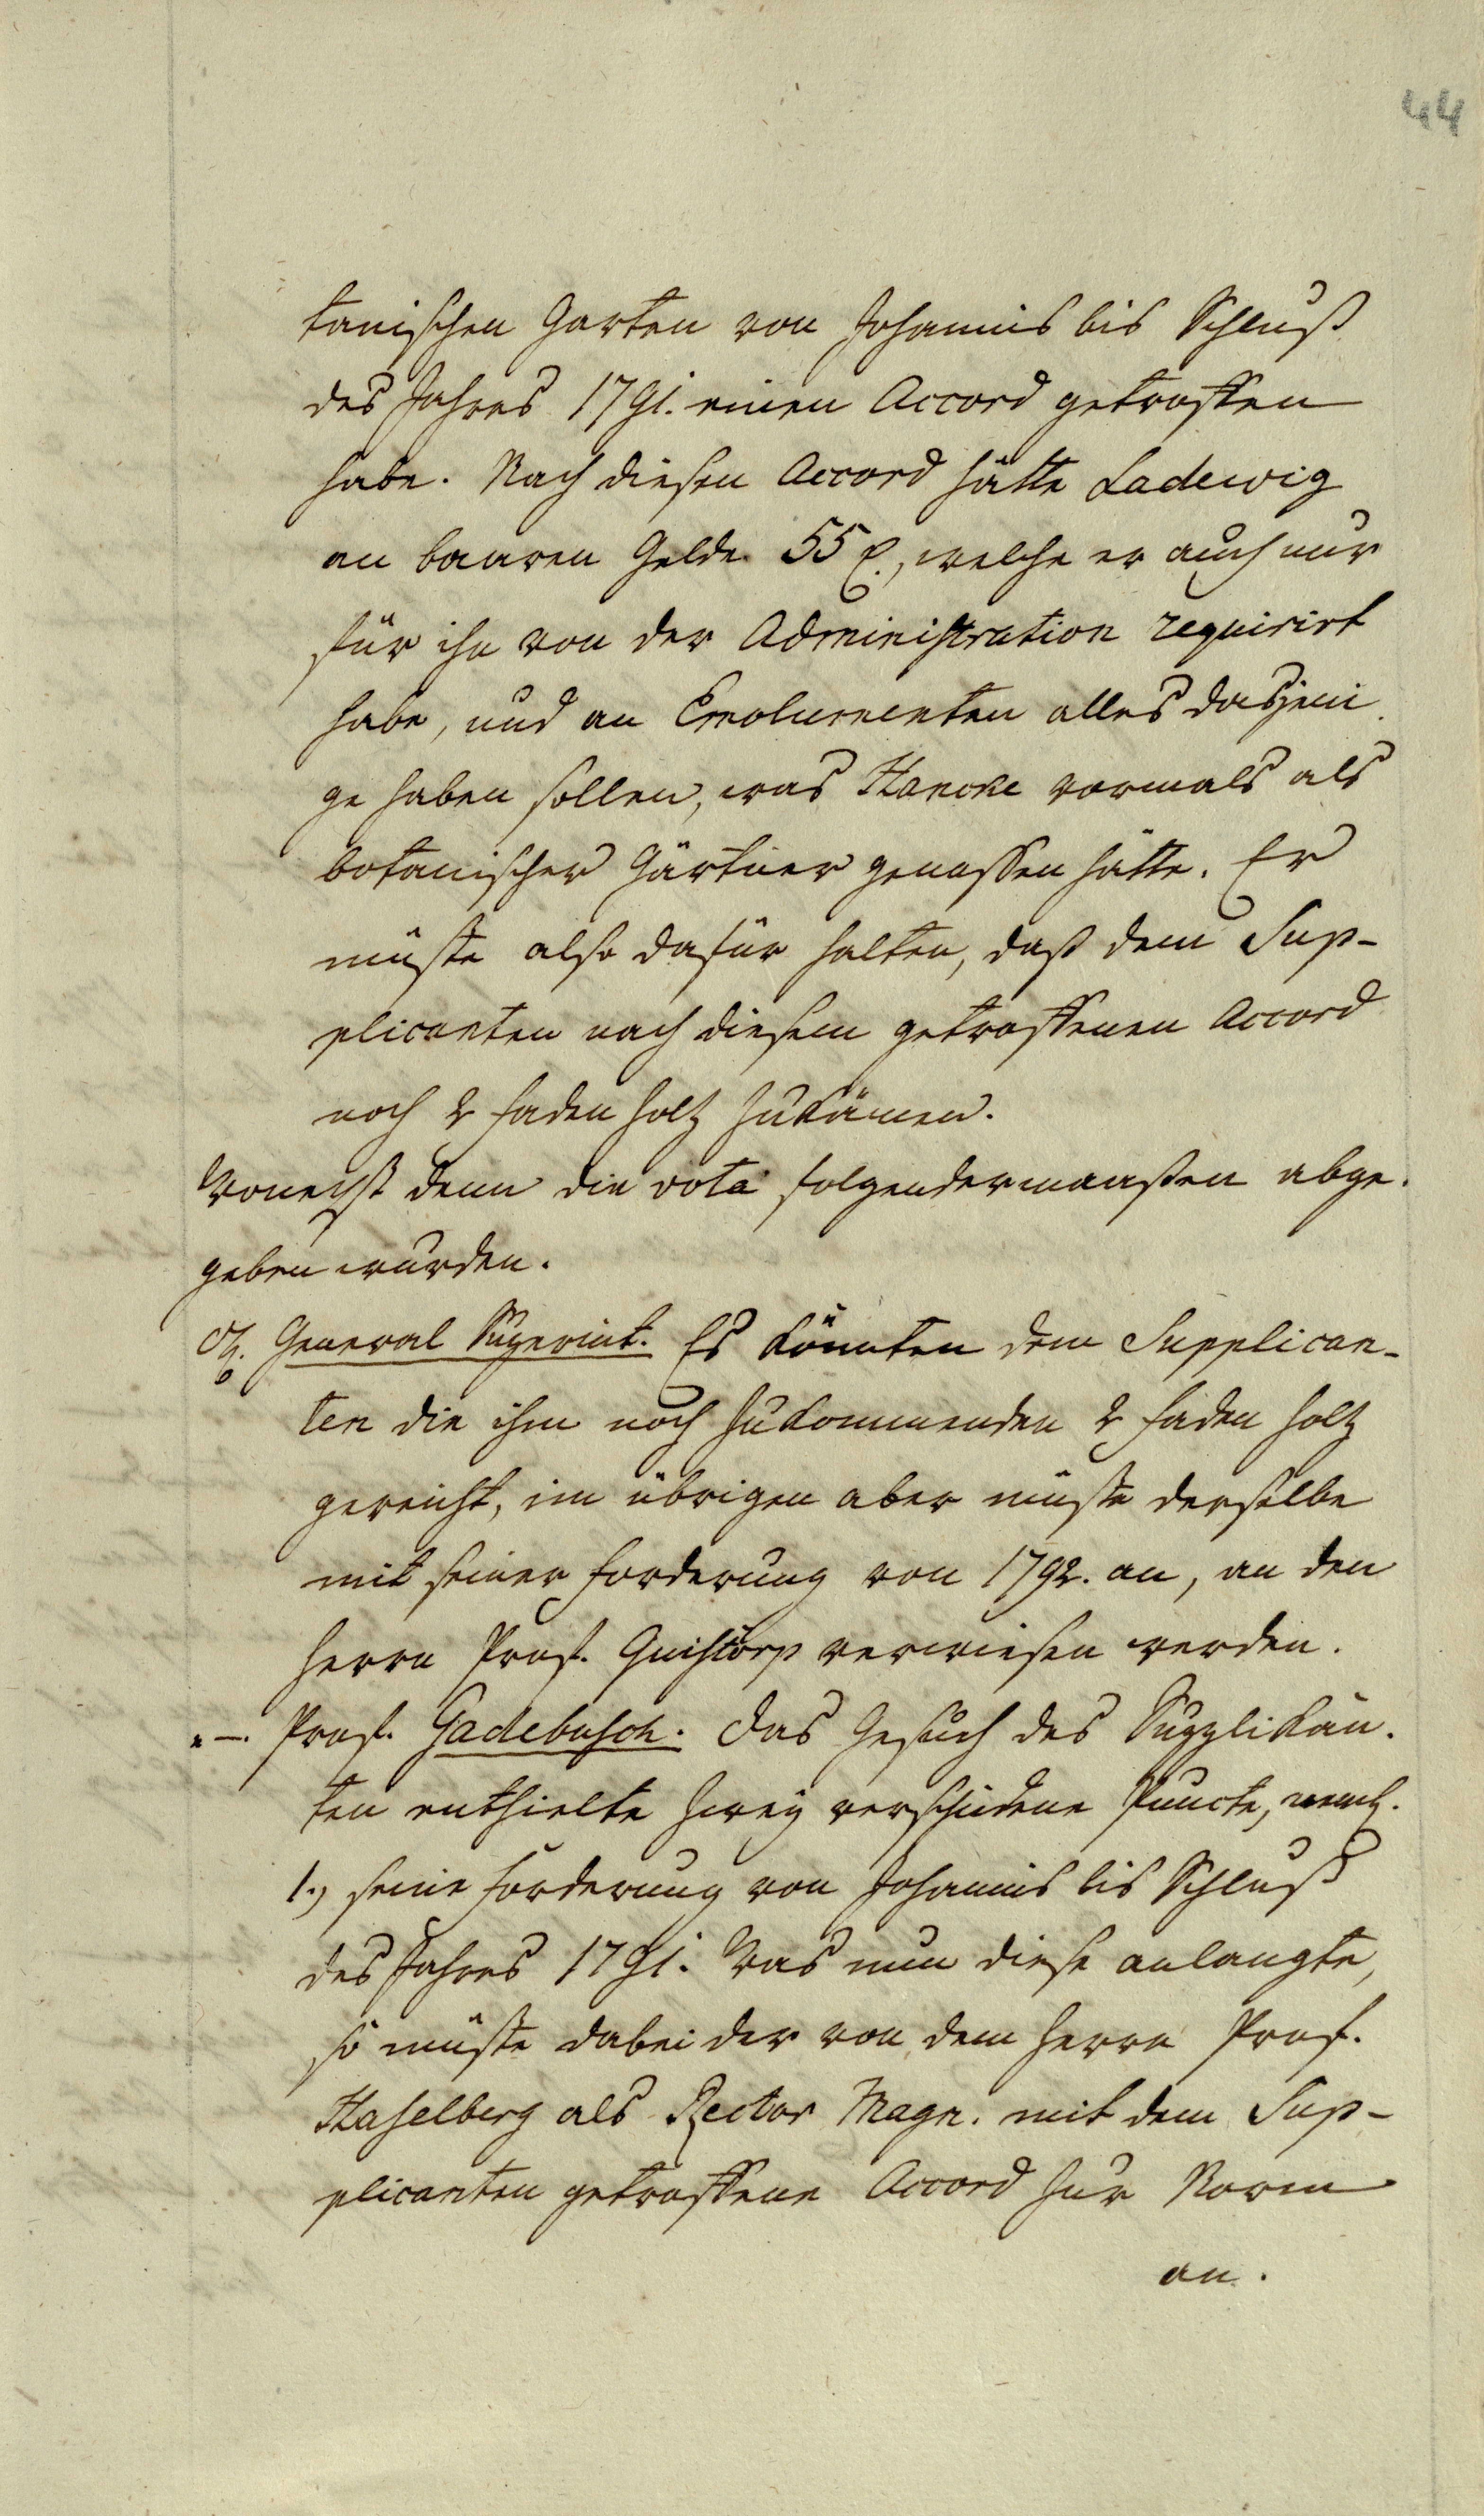tanischen Garten von Johannis bis Schluß
des Jahres 1791. einen Accord getroffen
habe. Nach diesem Accord hätte Ladewig
an baaren Gelde 55 rtl., welche er auch nur
für ihn von der Administration requirirt
habe, und an Emolumenten alles dasjeni¬
ge haben sollen, was Hancke vormals als
botanischer Gärtner genossen hätte. Er
müsste also dafür halten, daß dem Sup¬
plicanten nach diesem getroffenen Accord
noch 2 Faden Holz zukämen.
Wonechst denn die vota folgendermaaßen abge¬
geben wurden.
dh. General Superint. Es könnten dem Supplican¬
ten die ihm noch zukommenden 2 Faden Holz
gereicht, im übrigen aber müsste derselbe
mit seiner Forderung von 1792. an, an den
Herrn Prof. Quistorp verwiesen werden.
" — . Prof. Gadebusch. Das Gesuch des Supplikan¬
ten enthielte zweÿ verschiedene Puncte, neml.
1., seine Forderung von Johannis bis Schluß
des Jahres 1791. Was nun diese anlangte,
so müßte dabei der von dem Herrn Prof.
Haselberg als Rector Magn. mit dem Sup¬
plicanten getroffene Accord zur Norm
an¬